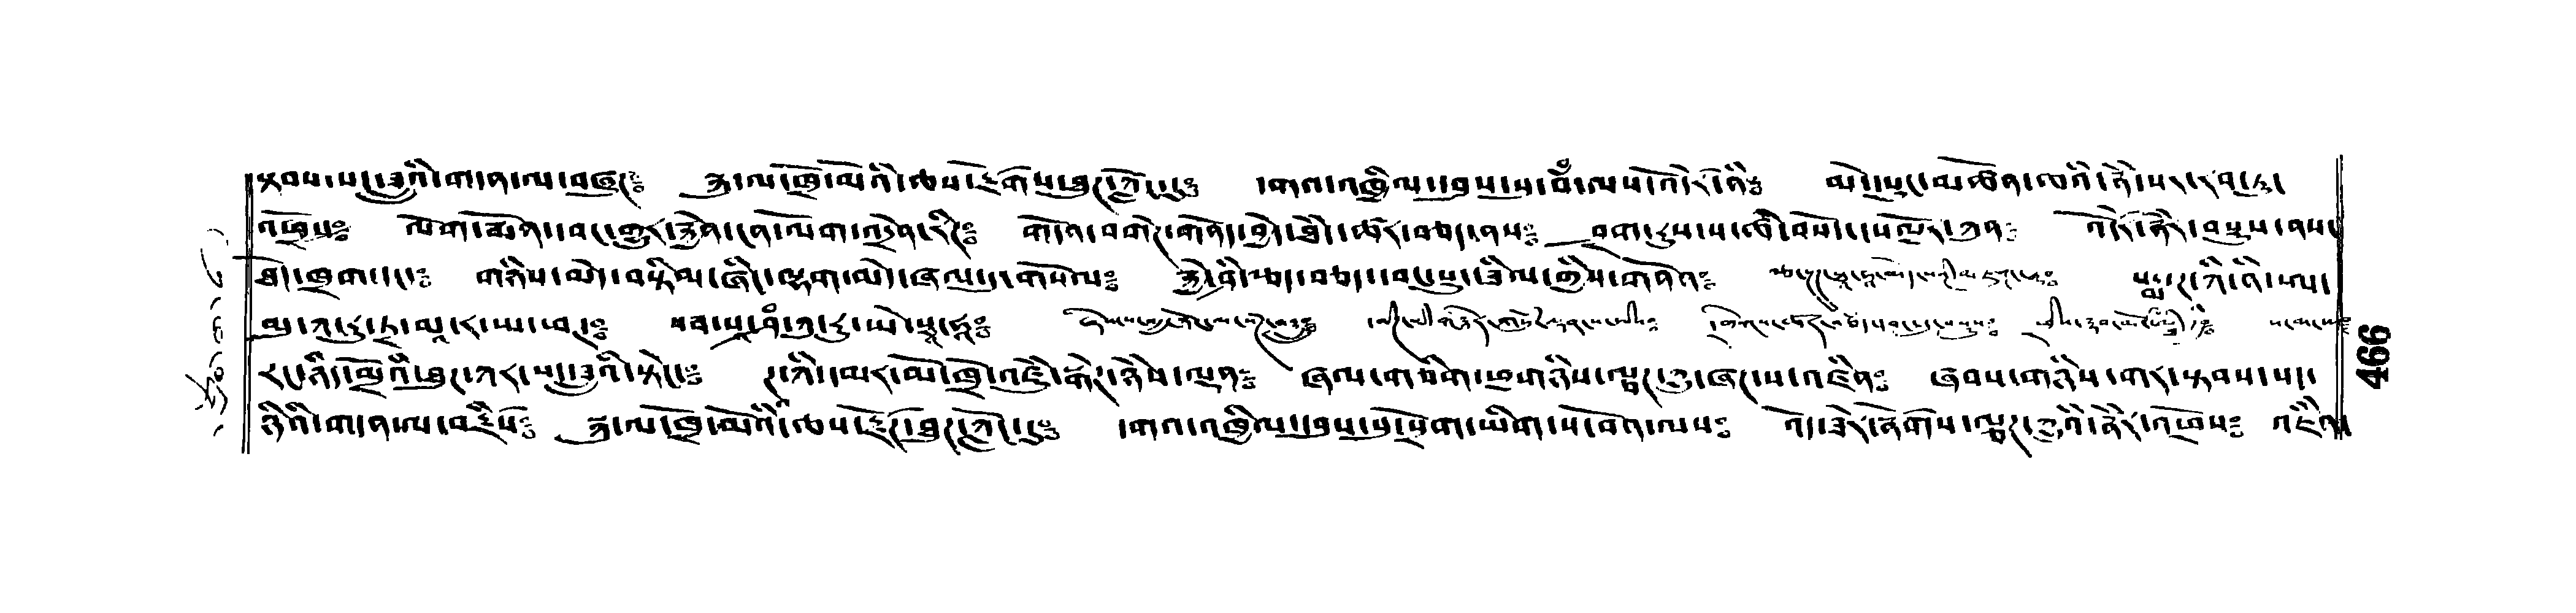སྟབས་པད་ཟླའི་གདན་ལ་བཞུགས༔ སྐུ་ལ་ཁྲོ་མོའི་ཆས་རྫོགས་ཐུགས་ཀློང་དུ༔ དགའ་འཁྱིལ་དབུས་སུ་བྃ་ལས་འོད་ཟེར་ནི༔ མེ་དཔུང་མཚོན་ཆའི་རྣམ་པར་རབ་ཏུ་
འཕྲོས༔ ལོག་སྨོན་དབང་གྱུར་རྐྱེན་ངན་ལོག་འདྲེན་རིགས༔ གདོན་བགེགས་གནོད་བྱེད་ཐམས་ཅད་ཚར་བཅད་ནས༔ ཤ་ཁྲག་རུས་པ་ཚེ་བསོད་དཔལ་འབྱོར་ཀུན༔ འོད་ཟེར་རྣམ་པར་བསྡུས་ནས་
ཐོད་ཁྲག་དང༔ གཉིས་མེད་བསྟིམ་ཞིང་ལྷག་མེད་ཞལ་དུ་གསོལ༔ སྐྱེ་ཤི་རྩད་བཅད་དབང་སྡུད་ཟིལ་གྱིས་གནོན༔ རྩ་སྔགས་སྭཱ་ཧཱ་མེད་པའི་མཇུག་ཏུ༔ པདྨ་ཌཱ་ཀི་ནི་ཨ་
མུ་ཀ་རུ་ཏྲ་མཱ་ར་ཡ་ཕཊ༔ སརྦ་པཱ་ཤཾ་ཀུ་རུ་ཡེ་སྭཱ་ཧཱ༔ ཞེས་པ་བརྒྱ་སྟོང་ལ་སོགས་བཟླ༔ དམིགས་ཀྱི་གཟེར་གསུམ་ལྡན་པ་ཡིས༔ དགྲ་བགེགས་ཚར་བཅད་དབང་དུ་བསྡུས༔ ཕྲིན་ལས་ཟབ་མོ་་རྒྱ༔ ས་མ་ཡ༔ 
རང་ཉིད་མཁའ་འགྲོའི་ཐུགས་ཀར་པད་ཟླའི་སྟེང༔ ཌཱ་ཀི་དམར་མོ་ཁྲོ་འཛུམ་སྒེག་ཉམས་ལྡན༔ ཞལ་གཅིག་ཕྱག་གཉིས་ལྕགས་ཀྱུ་ཞགས་པ་འཛིན༔ ཞབས་གཉིས་གར་སྟབས་པད་
ཉིའི་གདན་ལ་བརྫིས༔ སྐུ་ལ་ཁྲོ་མོའི་ཆས་རྫོགས་ཐུགས་ཀློང་དུ༔ དགའ་འཁྱིལ་དབུས་སུ་སྲོག་ཡིག་ས་བོན་ལས༔ འོད་ཟེར་སྣ་ཚོགས་ལྕགས་ཀྱུའི་རྣམ་པར་འཕྲོས༔ འཇིག་རྟེན་